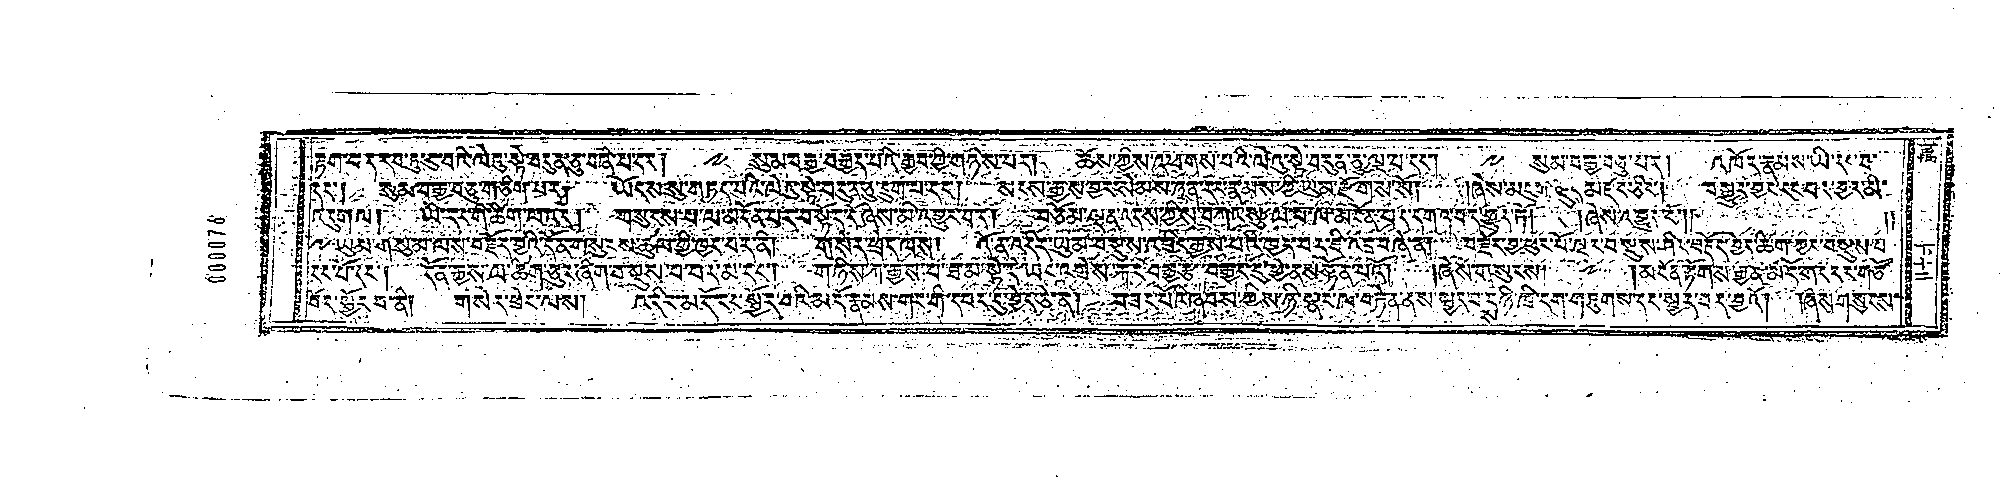རྟག་པར་རབ་ཏུ་བུ་བའི་ལེའུ་སྟེ་བདུན་ཅུ་བཞི་པ་དང་། ༧་སུམ་བརྒྱ་བརྒྱད་པའི་རྒྱབ་ཀྱི་གཉིས་པར། ཆོས་ཀྱིས་འཕགས་པའི་ལེའུ་སྟེ་བདུན་ཅུ་ལྔ་པ་དང་། ༧་སུམ་བརྒྱ་བཅུ་པར། འཁོར་རྣམས་ཡི་ངང་བ་
དང་། སུམ་བརྒྱ་བཅུ་གཅིག་པར། ཡོངས་སུ་གཏང་པའི་ལེའུ་སྟེ་བདུན་ཅུ་དྲུག་པ་དང་། སངས་རྒྱས་བྱང་སེམས་ཉན་རང་རྣམས་ཀྱི་ཡུམ་རྫོགས་སོ། །ཞེས་མཇུག་སྡུད་མཛད་ཅིང་། བསྒྱུར་བྱང་དང་པར་བྱང་མི་
འདུག་ལ། ཡི་རང་གི་ཚིག་ལའང་། གསུངས་པ་ལ་མངོན་པར་བསྟོང་ངོ་ཞེས་མི་འབྱུང་བར། བཅོམ་ལྡན་འདས་ཀྱིས་བཀའ་སྩལ་པ་ལ་མངོན་པར་དགའ་བར་གྱུར་ཏོ། །ཞེས་འབྱུང་ངོ།། །།
ཧོས་དེ་དག་རྟོགས་པར་བྱས་ནས་བླ་ན་མེད་པ་ཡང་དག་བ་
རྫོགས་བའི་བྱང་ཆུབ་མངོན་བར་རྫོགས་པར་སངས་རྒྱས་ནས་
ཕྱོགས་བཅུའི་འཇིག་རྟེན་གྱི་ཁམས་དཔག་ཏུ་མེད་པ་མཐའ་མེད་པ་
ཨིང་བརྗོད་བྱེད་ཚིག་ཀྱང་བསྡུས་པ་
དང་པོ་དང་། དོན་རྒྱས་ལ་ཚིག་ཅུང་ཞིག་བསྡུས་པ་བར་མ་དང་། གཉིས་ཀ་རྒྱས་པ་ཐ་མ་སྟེ་དེ་ཡང་འགྲེས་རྐང་བརྒྱ་རྩ་བརྒྱད་དུ་ཕྱེ་ནས་སྟོན་པའོ། །ཞེས་གསུངས། ༧་།མངོན་རྟོགས་རྒྱན་མདོ་གང་དང་གཙོ་
བོར་སྦྱོར་བ་ནི། གསེད་ཕྲེང་ལས། འདིར་མདོ་དང་སྦྱོར་བའི་མདོ་རྣམས་གང་གི་དབང་དུ་བྱེད་ཅེ་ན། བཟང་པོའི་ཞབས་ཀྱིས་ཉི་སྣང་ལ་བརྟེན་ནས་སྦྱད་བ་བདག་ཉི་ཁྲི་དག་གཏུགས་དང་སྦྱར་བར་བྱའོ། །ཞེས་གསུངས་